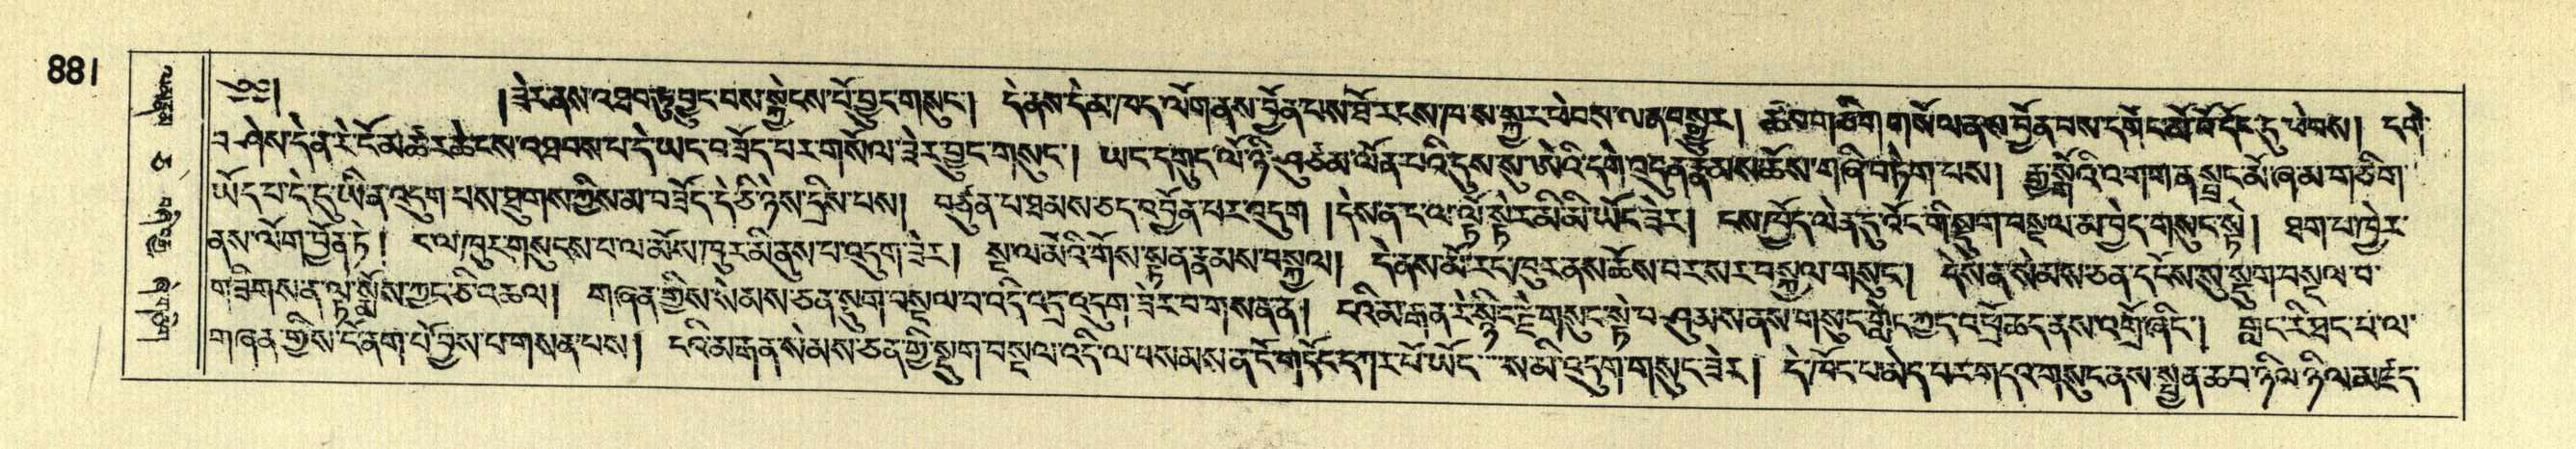༄༅། །ཟེར་ནས་འཐབ་ཏུ་བྱུང་བས་སྐྱེངས་པོ་བྱུང་གསུང་། དེ་ནས་དེ་མ་ཁད་ལོག་ནས་བྱོན་པས་ཐོ་རངས་ཁ་ས་སྐྱར་ཕེབས་ལན་བསྒྱུར། ཆབ་གཅིག་གསོལ་ནས་བྱོན་པས་དགོང་མོ་བོ་དོང་དུ་ཕེབས། དགེ་
བཤེས་དེ་ན་རེ་ངོ་མཚར་ཆེ་ངས་འཐབས་པ་དེ་ཡང་བཟོད་པར་གསོལ་ཟེར་བྱུང་གསུང་། ཡང་དགུང་ལོ་ཉི་ཤུ་ཙམ་ལོན་པའི་དུས་སུ་ཨེའི་དགེ་འདུན་རྣམས་ཆོས་གཞི་བཏེག་པས། རྒྱ་སྒོའི་འགག་ན་སྤྲང་མོ་ཞ་མ་གཅིག་
ཡོད་པ་དེ་དུ་ཡིན་འདུག་པས་ཐུགས་ཀྱིས་མ་བཟོད་དེ་ཅི་ཉེས་དྲིས་པས། བཙུན་པ་ཐམས་ཅད་འབྱོན་པར་འདུག །དེས་ན་ང་ལ་ལྟོ་སྟེར་མི་མི་ཡོང་ཟེར། ངས་ཁྱོད་ལེན་དུ་འོང་གི་སྡུག་བསྔལ་མ་བྱེད་གསུང་སྟེ། ཐག་པ་ཁྱེར་
ནས་ལོག་བྱོན་ཏེ། ང་ལ་ཁུར་གསུངས་པ་ལ་མོས་ཁུར་མི་ནུས་པ་འདུག་ཟེར། སྔ་ལ་མོའི་གོས་སྟན་རྣམས་བསྐྱལ་།དེ་ནས་མོ་རང་ཁུར་ནས་ཆོས་བར་སར་བསྐྱལ་གསུང་། དེས་ན་སེམས་ཅན་དངོས་སུ་སྡུག་བསྔལ་བ་
གཟིགས་ན་ལྟ་སྨོས་ཀྱང་ཅི་འཆལ། གཞན་གྱིས་སེམས་ཅན་སྡུག་བསྔལ་བ་འདི་འདྲ་འདུག་ཟེར་བ་གསན་ན། ངའི་མ་རྒན་རེ་སྙིང་རྗེ་གསུང་སྟེ་བཤུམས་ནས་གསུང་གླེང་ཀྱང་འཕྲོ་ཆད་ནས་འགྲོ་ཞིང་། གླང་རི་ཐང་པ་ལ་
གཞན་གྱིས་དོ་ནག་པོ་བྱས་པ་གསན་པས། ངའི་མ་རྒན་སེམས་ཅན་གྱི་སྡུག་བསྔལ་འདི་ལ་བསམས་ན་ངོ་གདོང་དཀར་པོ་ཡོང་ས་མི་འདུག་གསུང་ཟེར། དེ་ཁོང་པ་མེད་པར་གདའ་གསུང་ནས་སྤྱན་ཆབ་ཉིལ་ཉིལ་མཛད་